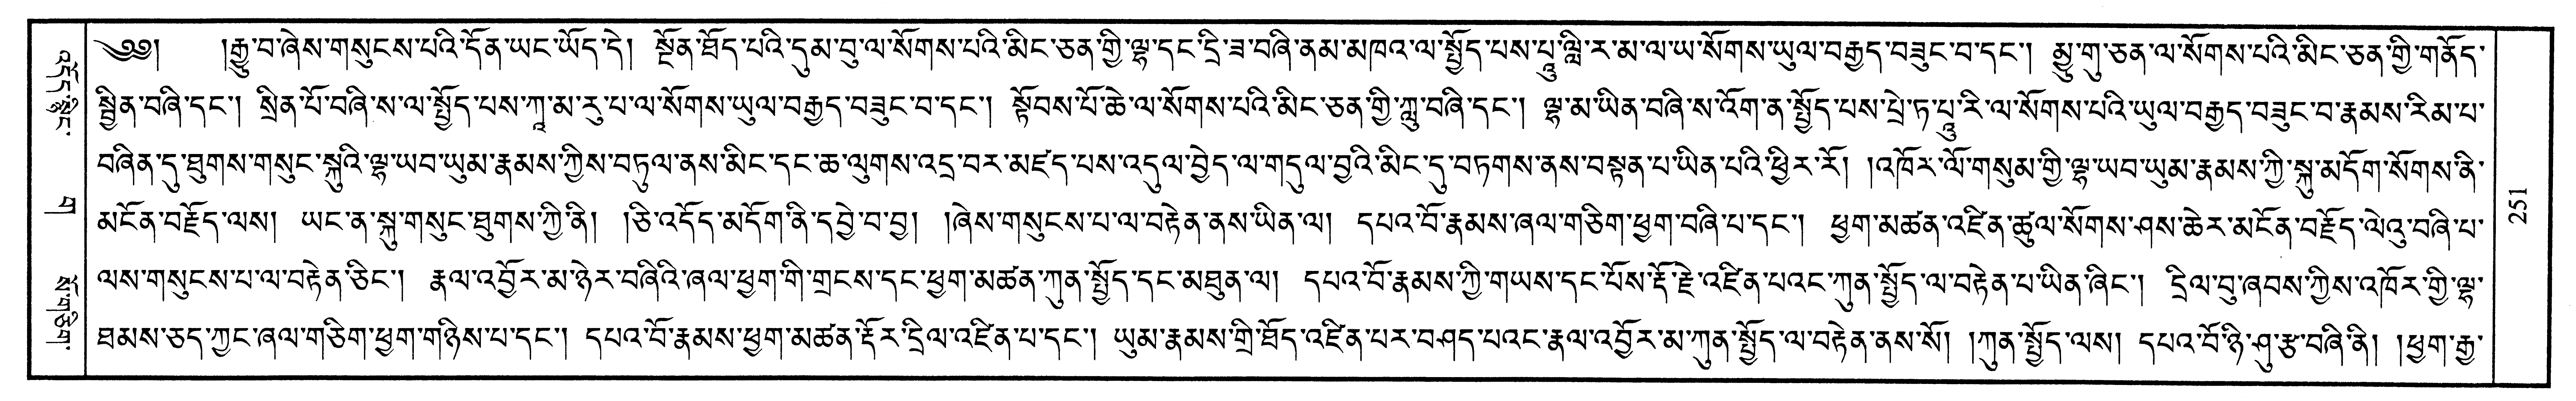༄༅། །རྒྱུ་བ་ཞེས་གསུངས་པའི་དོན་ཡང་ཡོད་དེ། སྔོན་ཐོད་པའི་དུམ་བུ་ལ་སོགས་པའི་མིང་ཅན་གྱི་ལྷ་དང་དྲི་ཟ་བཞི་ནམ་མཁའ་ལ་སྤྱོད་པས་པཱུ་ལླི་ར་མ་ལ་ཡ་སོགས་ཡུལ་བརྒྱད་བཟུང་བ་དང་། མྱུ་གུ་ཅན་ལ་སོགས་པའི་མིང་ཅན་གྱི་གནོད་
སྦྱིན་བཞི་དང་། སྲིན་པོ་བཞི་ས་ལ་སྤྱོད་པས་ཀཱ་མ་རུ་པ་ལ་སོགས་ཡུལ་བརྒྱད་བཟུང་བ་དང་། སྟོབས་པོ་ཆེ་ལ་སོགས་པའི་མིང་ཅན་གྱི་ཀླུ་བཞི་དང་། ལྷ་མ་ཡིན་བཞི་ས་འོག་ན་སྤྱོད་པས་པྲེ་ཏ་པཱུ་རི་ལ་སོགས་པའི་ཡུལ་བརྒྱད་བཟུང་བ་རྣམས་རིམ་པ་
བཞིན་དུ་ཐུགས་གསུང་སྐུའི་ལྷ་ཡབ་ཡུམ་རྣམས་ཀྱིས་བཏུལ་ནས་མིང་དང་ཆ་ལུགས་འདྲ་བར་མཛད་པས་འདུལ་བྱེད་ལ་གདུལ་བྱའི་མིང་དུ་བཏགས་ནས་བསྟན་པ་ཡིན་པའི་ཕྱིར་རོ། །འཁོར་ལོ་གསུམ་གྱི་ལྷ་ཡབ་ཡུམ་རྣམས་ཀྱི་སྐུ་མདོག་སོགས་ནི་
མངོན་བརྗོད་ལས། ཡང་ན་སྐུ་གསུང་ཐུགས་ཀྱི་ནི། །ཅི་འདོད་མདོག་ནི་དབྱེ་བ་བྱ། །ཞེས་གསུངས་པ་ལ་བརྟེན་ནས་ཡིན་ལ། དཔའ་བོ་རྣམས་ཞལ་གཅིག་ཕྱག་བཞི་པ་དང་། ཕྱག་མཚན་འཛིན་ཚུལ་སོགས་ཤས་ཆེར་མངོན་བརྗོད་ལེའུ་བཞི་པ་
ལས་གསུངས་པ་ལ་བརྟེན་ཅིང་། རྣལ་འབྱོར་མ་ཉེར་བཞིའི་ཞལ་ཕྱག་གི་གྲངས་དང་ཕྱག་མཚན་ཀུན་སྤྱོད་དང་མཐུན་ལ། དཔའ་བོ་རྣམས་ཀྱི་གཡས་དང་པོས་རྡོ་རྗེ་འཛིན་པའང་ཀུན་སྤྱོད་ལ་བརྟེན་པ་ཡིན་ཞིང་། དྲིལ་བུ་ཞབས་ཀྱིས་འཁོར་གྱི་ལྷ་
ཐམས་ཅད་ཀྱང་ཞལ་གཅིག་ཕྱག་གཉིས་པ་དང་། དཔའ་བོ་རྣམས་ཕྱག་མཚན་རྡོར་དྲིལ་འཛིན་པ་དང་། ཡུམ་རྣམས་གྲི་ཐོད་འཛིན་པར་བཤད་པའང་རྣལ་འབྱོར་མ་ཀུན་སྤྱོད་ལ་བརྟེན་ནས་སོ། །ཀུན་སྤྱོད་ལས། དཔའ་བོ་ཉི་ཤུ་རྩ་བཞི་ནི། །ཕྱག་རྒྱ་